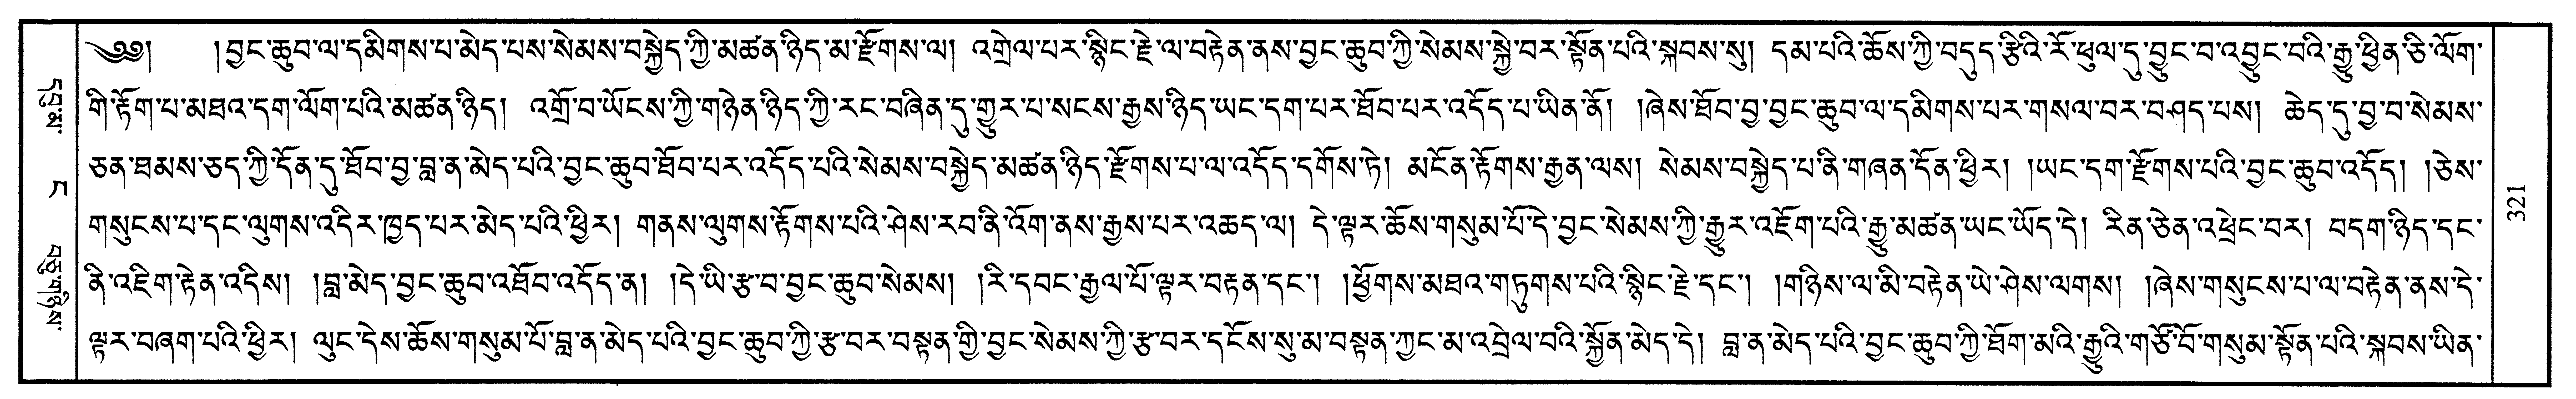༄༅། །བྱང་ཆུབ་ལ་དམིགས་པ་མེད་པས་སེམས་བསྐྱེད་ཀྱི་མཚན་ཉིད་མ་རྫོགས་ལ། འགྲེལ་པར་སྙིང་རྗེ་ལ་བརྟེན་ནས་བྱང་ཆུབ་ཀྱི་སེམས་སྐྱེ་བར་སྟོན་པའི་སྐབས་སུ། དམ་པའི་ཆོས་ཀྱི་བདུད་རྩིའི་རོ་ཕུལ་དུ་བྱུང་བ་འབྱུང་བའི་རྒྱུ་ཕྱིན་ཅི་ལོག་
གི་རྟོག་པ་མཐའ་དག་ལོག་པའི་མཚན་ཉིད། འགྲོ་བ་ཡོངས་ཀྱི་གཉེན་ཉིད་ཀྱི་རང་བཞིན་དུ་གྱུར་པ་སངས་རྒྱས་ཉིད་ཡང་དག་པར་ཐོབ་པར་འདོད་པ་ཡིན་ནོ། །ཞེས་ཐོབ་བྱ་བྱང་ཆུབ་ལ་དམིགས་པར་གསལ་བར་བཤད་པས། ཆེད་དུ་བྱ་བ་སེམས་
ཅན་ཐམས་ཅད་ཀྱི་དོན་དུ་ཐོབ་བྱ་བླ་ན་མེད་པའི་བྱང་ཆུབ་ཐོབ་པར་འདོད་པའི་སེམས་བསྐྱེད་མཚན་ཉིད་རྫོགས་པ་ལ་འདོད་དགོས་ཏེ། མངོན་རྟོགས་རྒྱན་ལས། སེམས་བསྐྱེད་པ་ནི་གཞན་དོན་ཕྱིར། །ཡང་དག་རྫོགས་པའི་བྱང་ཆུབ་འདོད། །ཅེས་
གསུངས་པ་དང་ལུགས་འདིར་ཁྱད་པར་མེད་པའི་ཕྱིར། གནས་ལུགས་རྟོགས་པའི་ཤེས་རབ་ནི་འོག་ནས་རྒྱས་པར་འཆད་ལ། དེ་ལྟར་ཆོས་གསུམ་པོ་དེ་བྱང་སེམས་ཀྱི་རྒྱུར་འཇོག་པའི་རྒྱུ་མཚན་ཡང་ཡོད་དེ། རིན་ཅེན་འཕྲེང་བར། བདག་ཉིད་དང་
ནི་འཇིག་རྟེན་འདིས། །བླ་མེད་བྱང་ཆུབ་འཐོབ་འདོད་ན། །དེ་ཡི་རྩ་བ་བྱང་ཆུབ་སེམས། །རི་དབང་རྒྱལ་པོ་ལྟར་བརྟན་དང་། །ཕྱོགས་མཐའ་གཏུགས་པའི་སྙིང་རྗེ་དང་། །གཉིས་ལ་མི་བརྟེན་ཡེ་ཤེས་ལགས། །ཞེས་གསུངས་པ་ལ་བརྟེན་ནས་དེ་
ལྟར་བཞག་པའི་ཕྱིར། ལུང་དེས་ཆོས་གསུམ་པོ་བླ་ན་མེད་པའི་བྱང་ཆུབ་ཀྱི་རྩ་བར་བསྟན་གྱི་བྱང་སེམས་ཀྱི་རྩ་བར་དངོས་སུ་མ་བསྟན་ཀྱང་མ་འབྲེལ་བའི་སྐྱོན་མེད་དེ། བླ་ན་མེད་པའི་བྱང་ཆུབ་ཀྱི་ཐོག་མའི་རྒྱུའི་གཙོ་བོ་གསུམ་སྟོན་པའི་སྐབས་ཡིན་